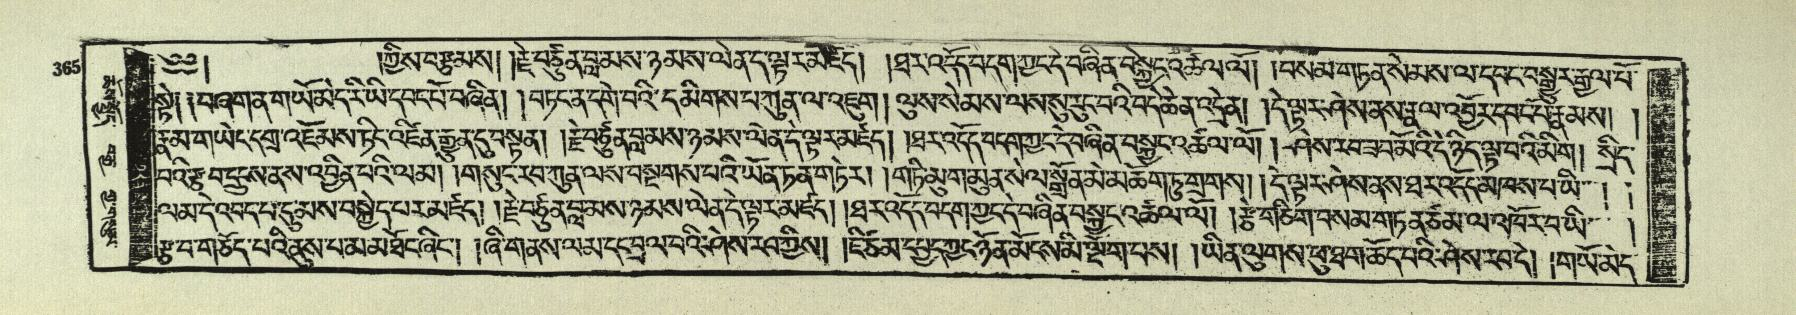༄༅། །ཀྱིས་བརྩམས། །རྗེ་བཙུན་བླ་མས་ཉམས་ལེན་ད་ལྟར་མཛད། །ཐར་འདོད་བདག་ཀྱང་དེ་བཞིན་བསྐྱེད་འཚལ་ལོ། །བསམ་གཏན་སེམས་ལ་དབང་བསྒྱུར་རྒྱལ་པོ་
སྟེ༑ ༑བཞག་ན་གཡོ་མེད་རི་ཡི་དབང་པོ་བཞིན། །བཏང་ན་དགེ་བའི་དམིགས་པ་ཀུན་ལ་འཇུག །ལུས་སེམས་ལས་སུ་རུང་བའི་བདེ་ཆེན་འདྲེན། །དེ་ལྟར་ཤེས་ནས་རྣལ་འབྱོར་དབང་པོ་རྣམས། །
རྣམ་གཡེང་དགྲ་འཇོམས་ཏིང་འཛིན་རྒྱུན་དུ་བསྟན། །རྗེ་བཙུན་བླ་མས་ཉམས་ལེན་དེ་ལྟར་མཛད། །ཐར་འདོད་བདག་ཀྱང་དེ་བཞིན་བསྐྱང་འཚལ་ལོ། །ཤེས་རབ་ཟབ་མོའི་དེ་ཉིད་ལྟ་བའི་མིག། སྲིད་
པའི་རྩ་བ་དྲུངས་ནས་འབྱིན་པའི་ལམ། །གསུང་རབ་ཀུན་ལས་བསྔགས་པའི་ཡོན་ཏན་གཏེར། །གཏི་མུག་མུན་སེལ་སྒྲོན་མེ་མཆོག་ཏུ་གྲགས། །དེ་ལྟར་ཤེས་ནས་ཐར་འདོད་མཁས་པ་ཡི་། །
ལམ་དེ་འབད་པ་དུ་མས་བསྐྱེད་པར་མཛད། །རྗེ་བཙུན་བླ་མས་ཉམས་ལེན་དེ་ལྟར་མཛད། །ཐར་འདོད་བདག་ཀྱང་དེ་བཞིན་བསྐྱང་འཚལ་ལོ། །རྩེ་གཅིག་བསམ་གཏན་ཙམ་ལ་འཁོར་བ་ཡི་།
རྩ་བ་གཅོད་པའི་ནུས་པ་མ་མཐོང་ཞིང་། །ཞི་གནས་ལམ་དང་བྲལ་བའི་ཤེས་རབ་ཀྱིས། །ཇི་ཙམ་དཔྱད་ཀྱང་ཉོན་མོངས་མི་ལྡོག་པས། །ཡིན་ལུགས་ཕུ་ཐག་ཆོད་པའི་ཤེས་རབ་དེ། །གཡོ་མེད་